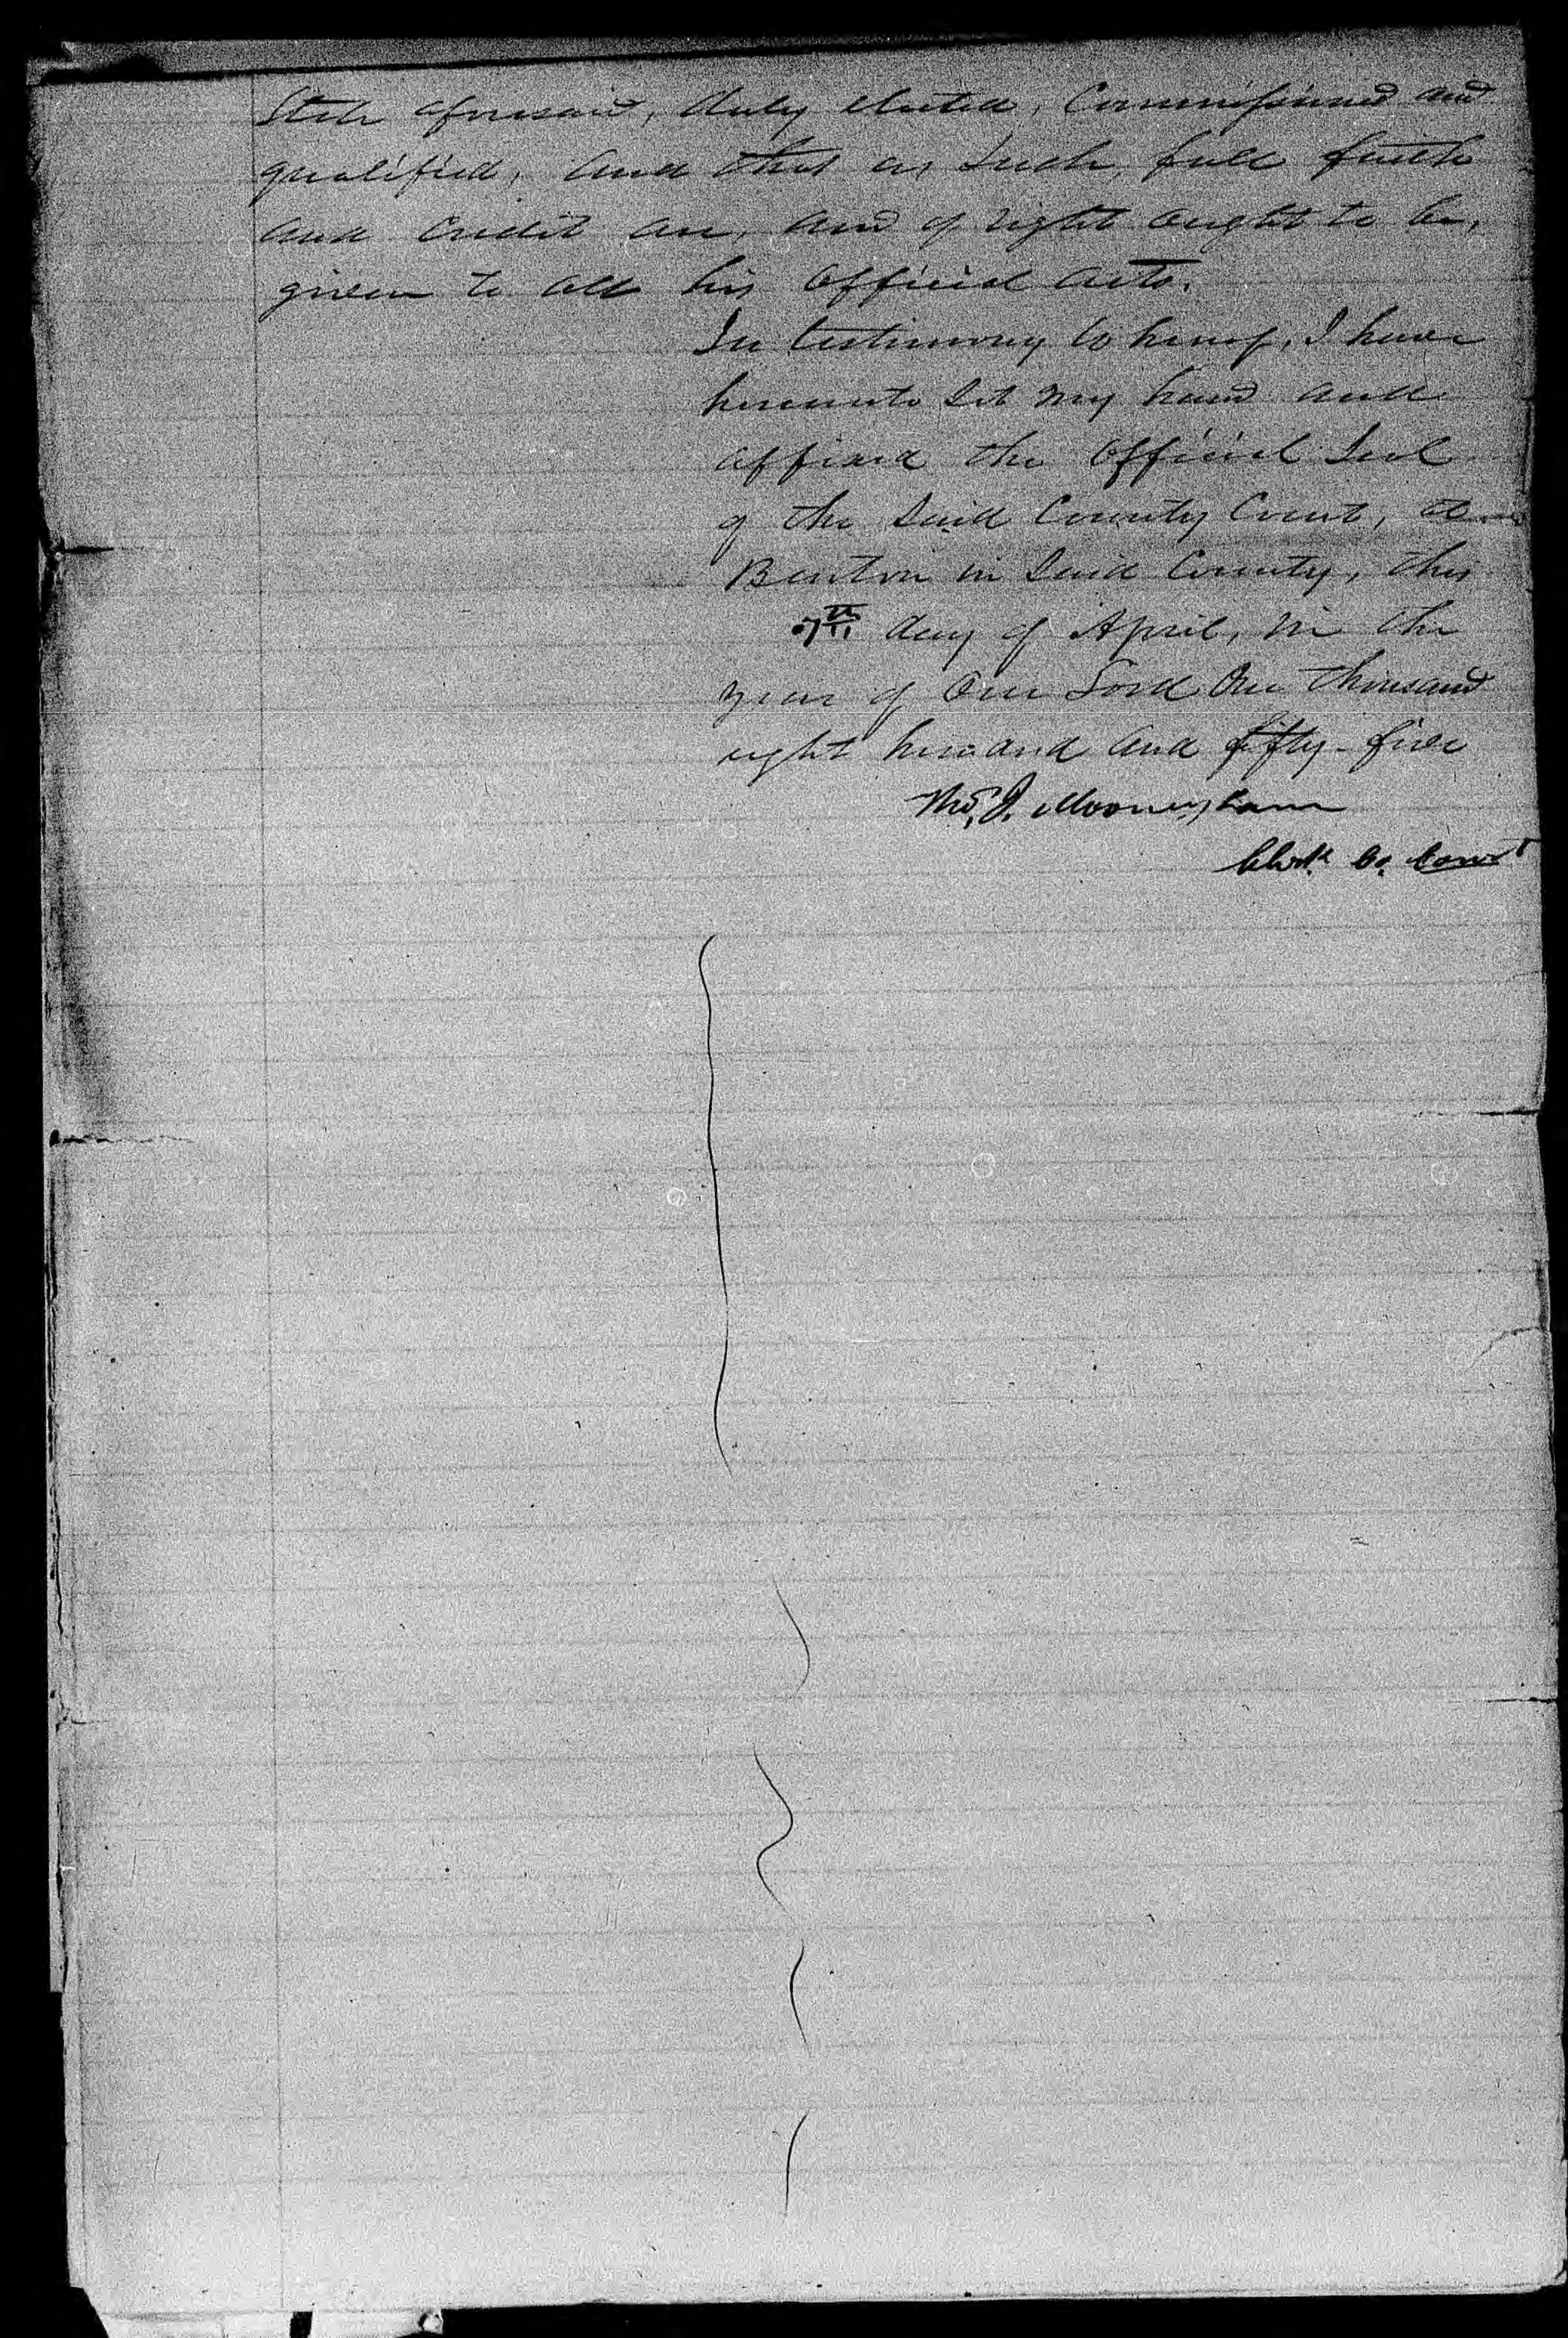State aforesaid, duly elected, commissioned and 
qualified, and that as such full faith 
and credit are, and of right ought to be 
given to all his official acts.
In testimony whereof, I have 
hereunto set my hand and 
affixed the official seal 
of the said County Court, at 
Benton in said County, this 
7th day of April, in the 
year of our Lord one thousand 
eight hundred and fifty five
Thos. J. Mooneyham
Clerk Co. Court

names: Thos J Mooneyham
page: 31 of 115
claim: widow's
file: W. 1446, for John Mc Clung, South Carolina